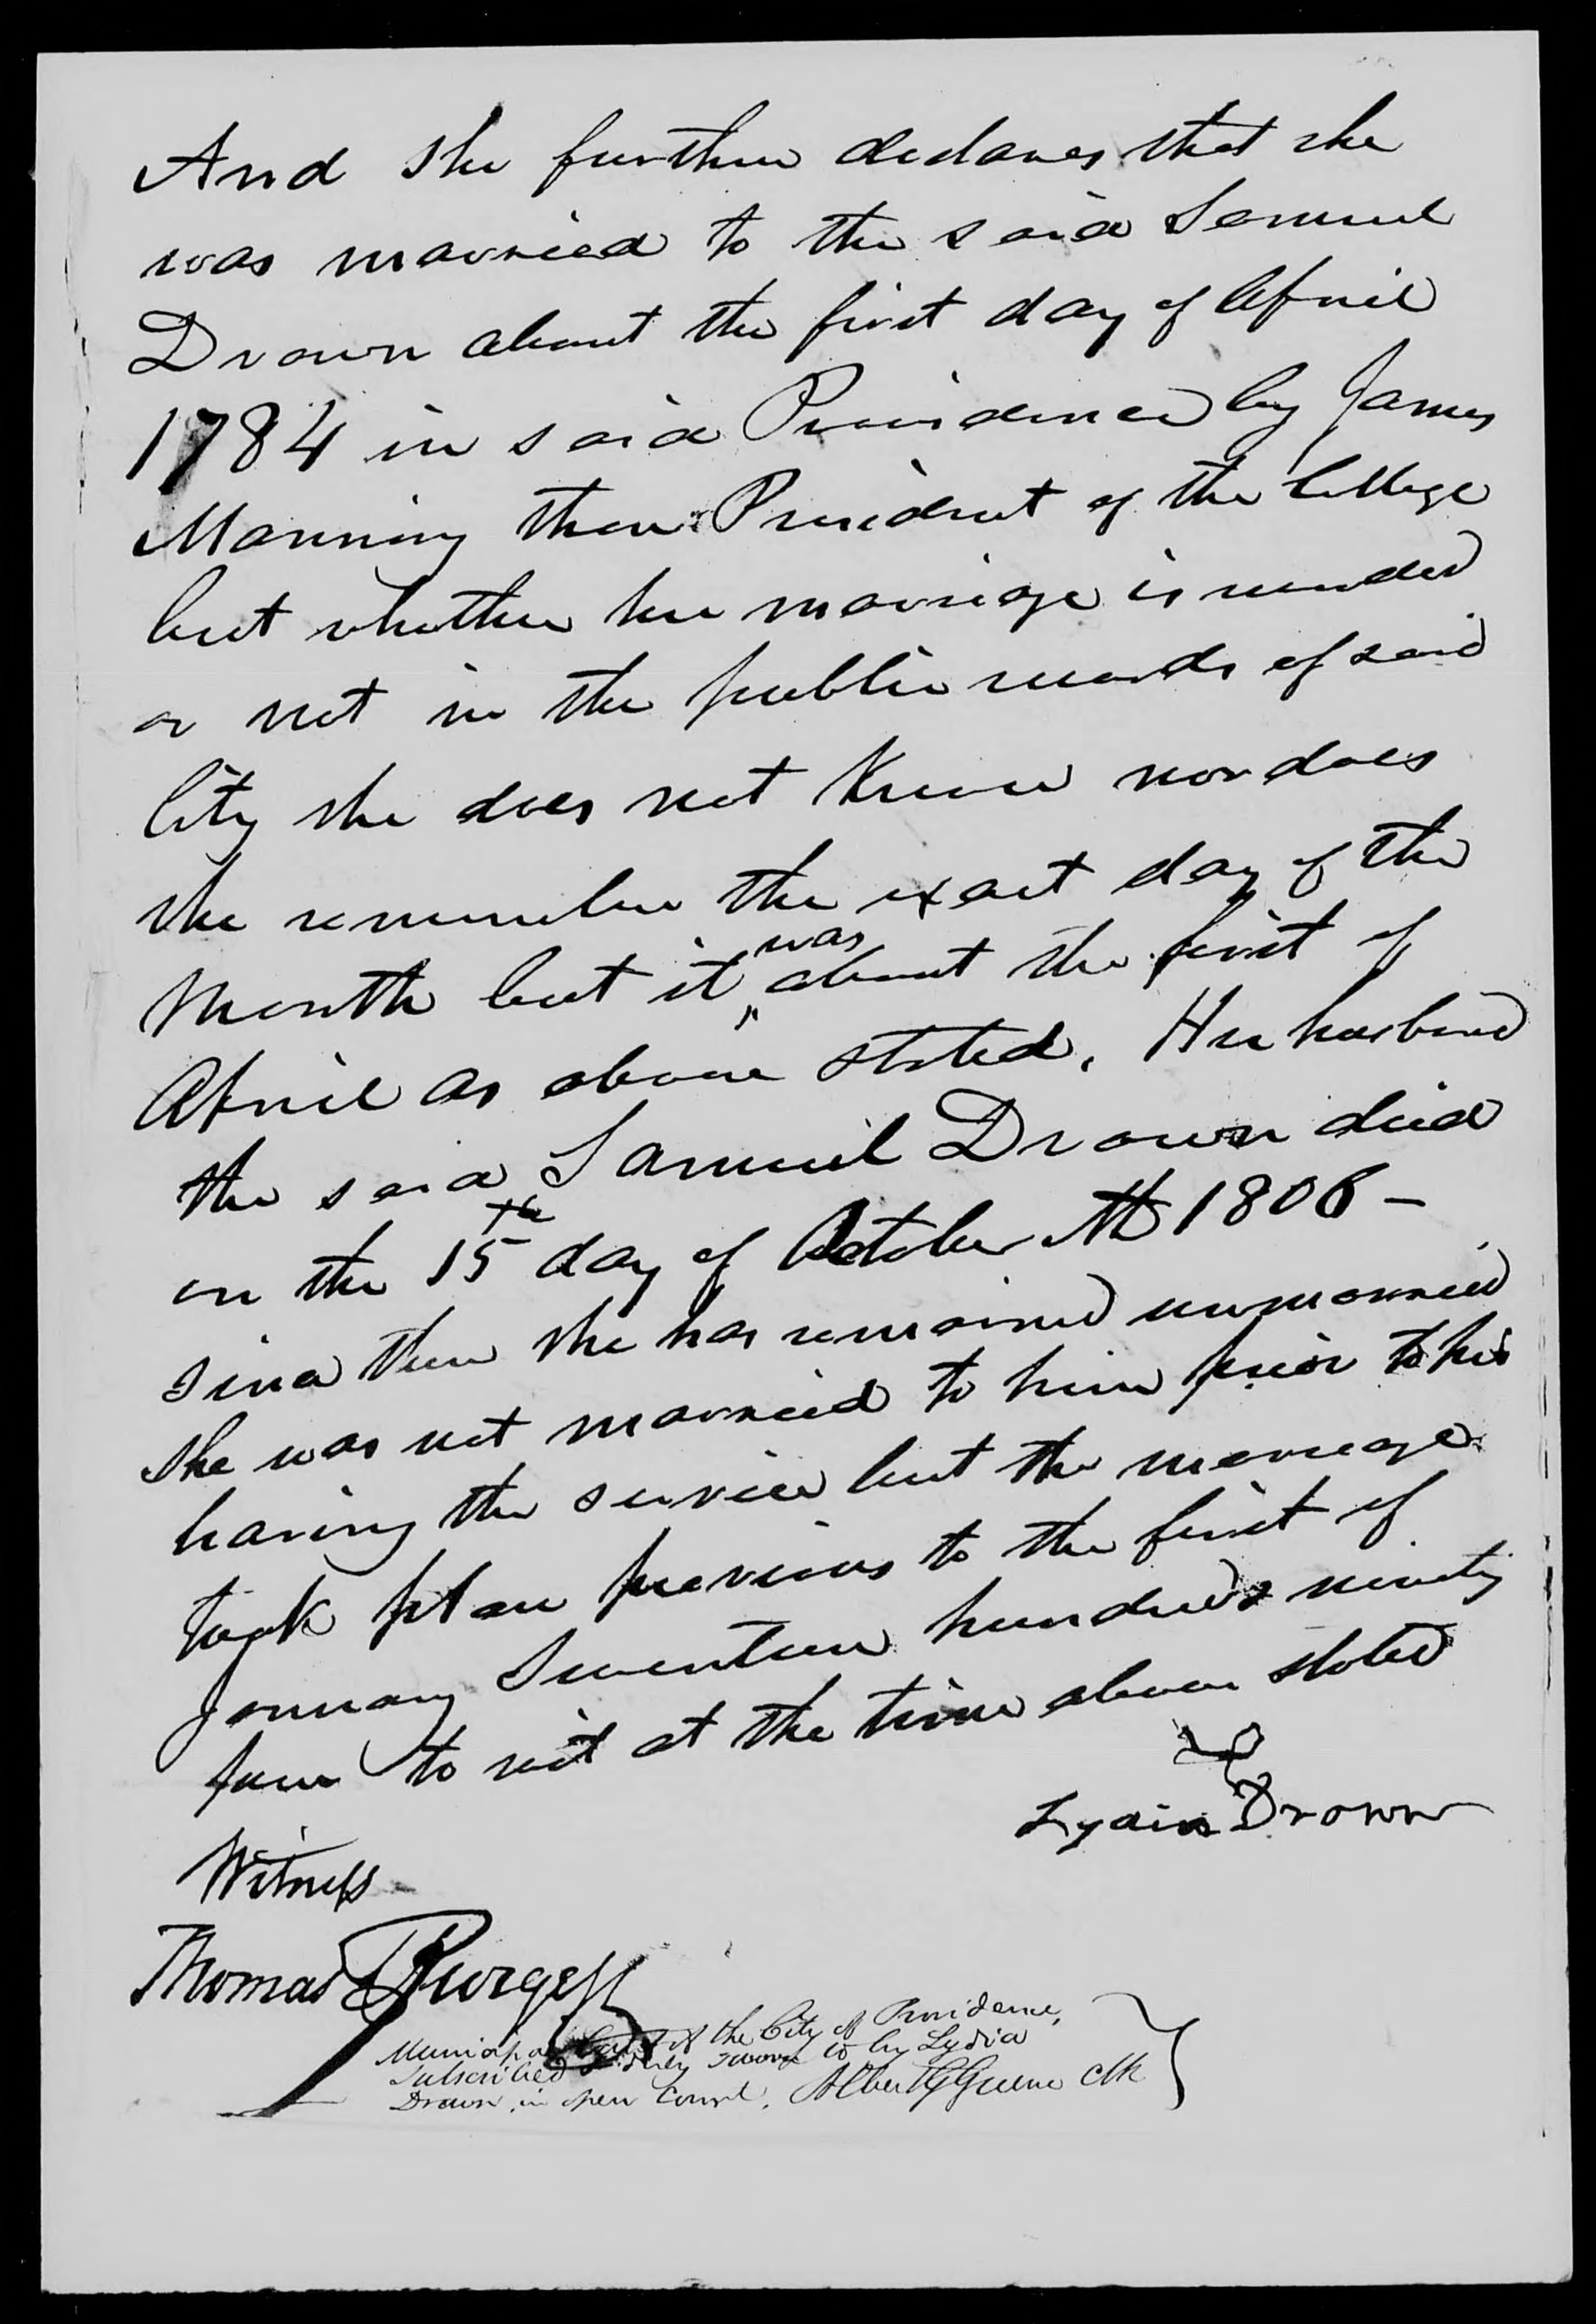And she further declares that she
was married to the said Samuel
Drown about the first day of April
1784 in said Providence by James
Manning then President of the College
but whether her marriage is recorded
or not in the public records of said
City she does not know nor does
she remember the exact day of the month but it was about the first of April as above stated.
Her husband the said Samuel Drown died
on the 15th day of October AD 1806
Since then she has remained unmarried
she was not married to him prior to his
having the services but the marriage
took place previous to the first of
January seventeen hundred ninety
four to said at the time above stated

X
Lydia Drown

Witness
Thomas Burgess
Municipal Court of the City of Providence, subscribed and duly sworn to by Lydia Drown, in open court, Albert G Greene Clk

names: Samuel Drown, Albert G Greene, Samuel Drown, Lydia Drown, James Manning, Lydia Drown, Thomas Burgess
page: 11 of 31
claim: widow's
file: W 21004, Samuel Drown, R.I.